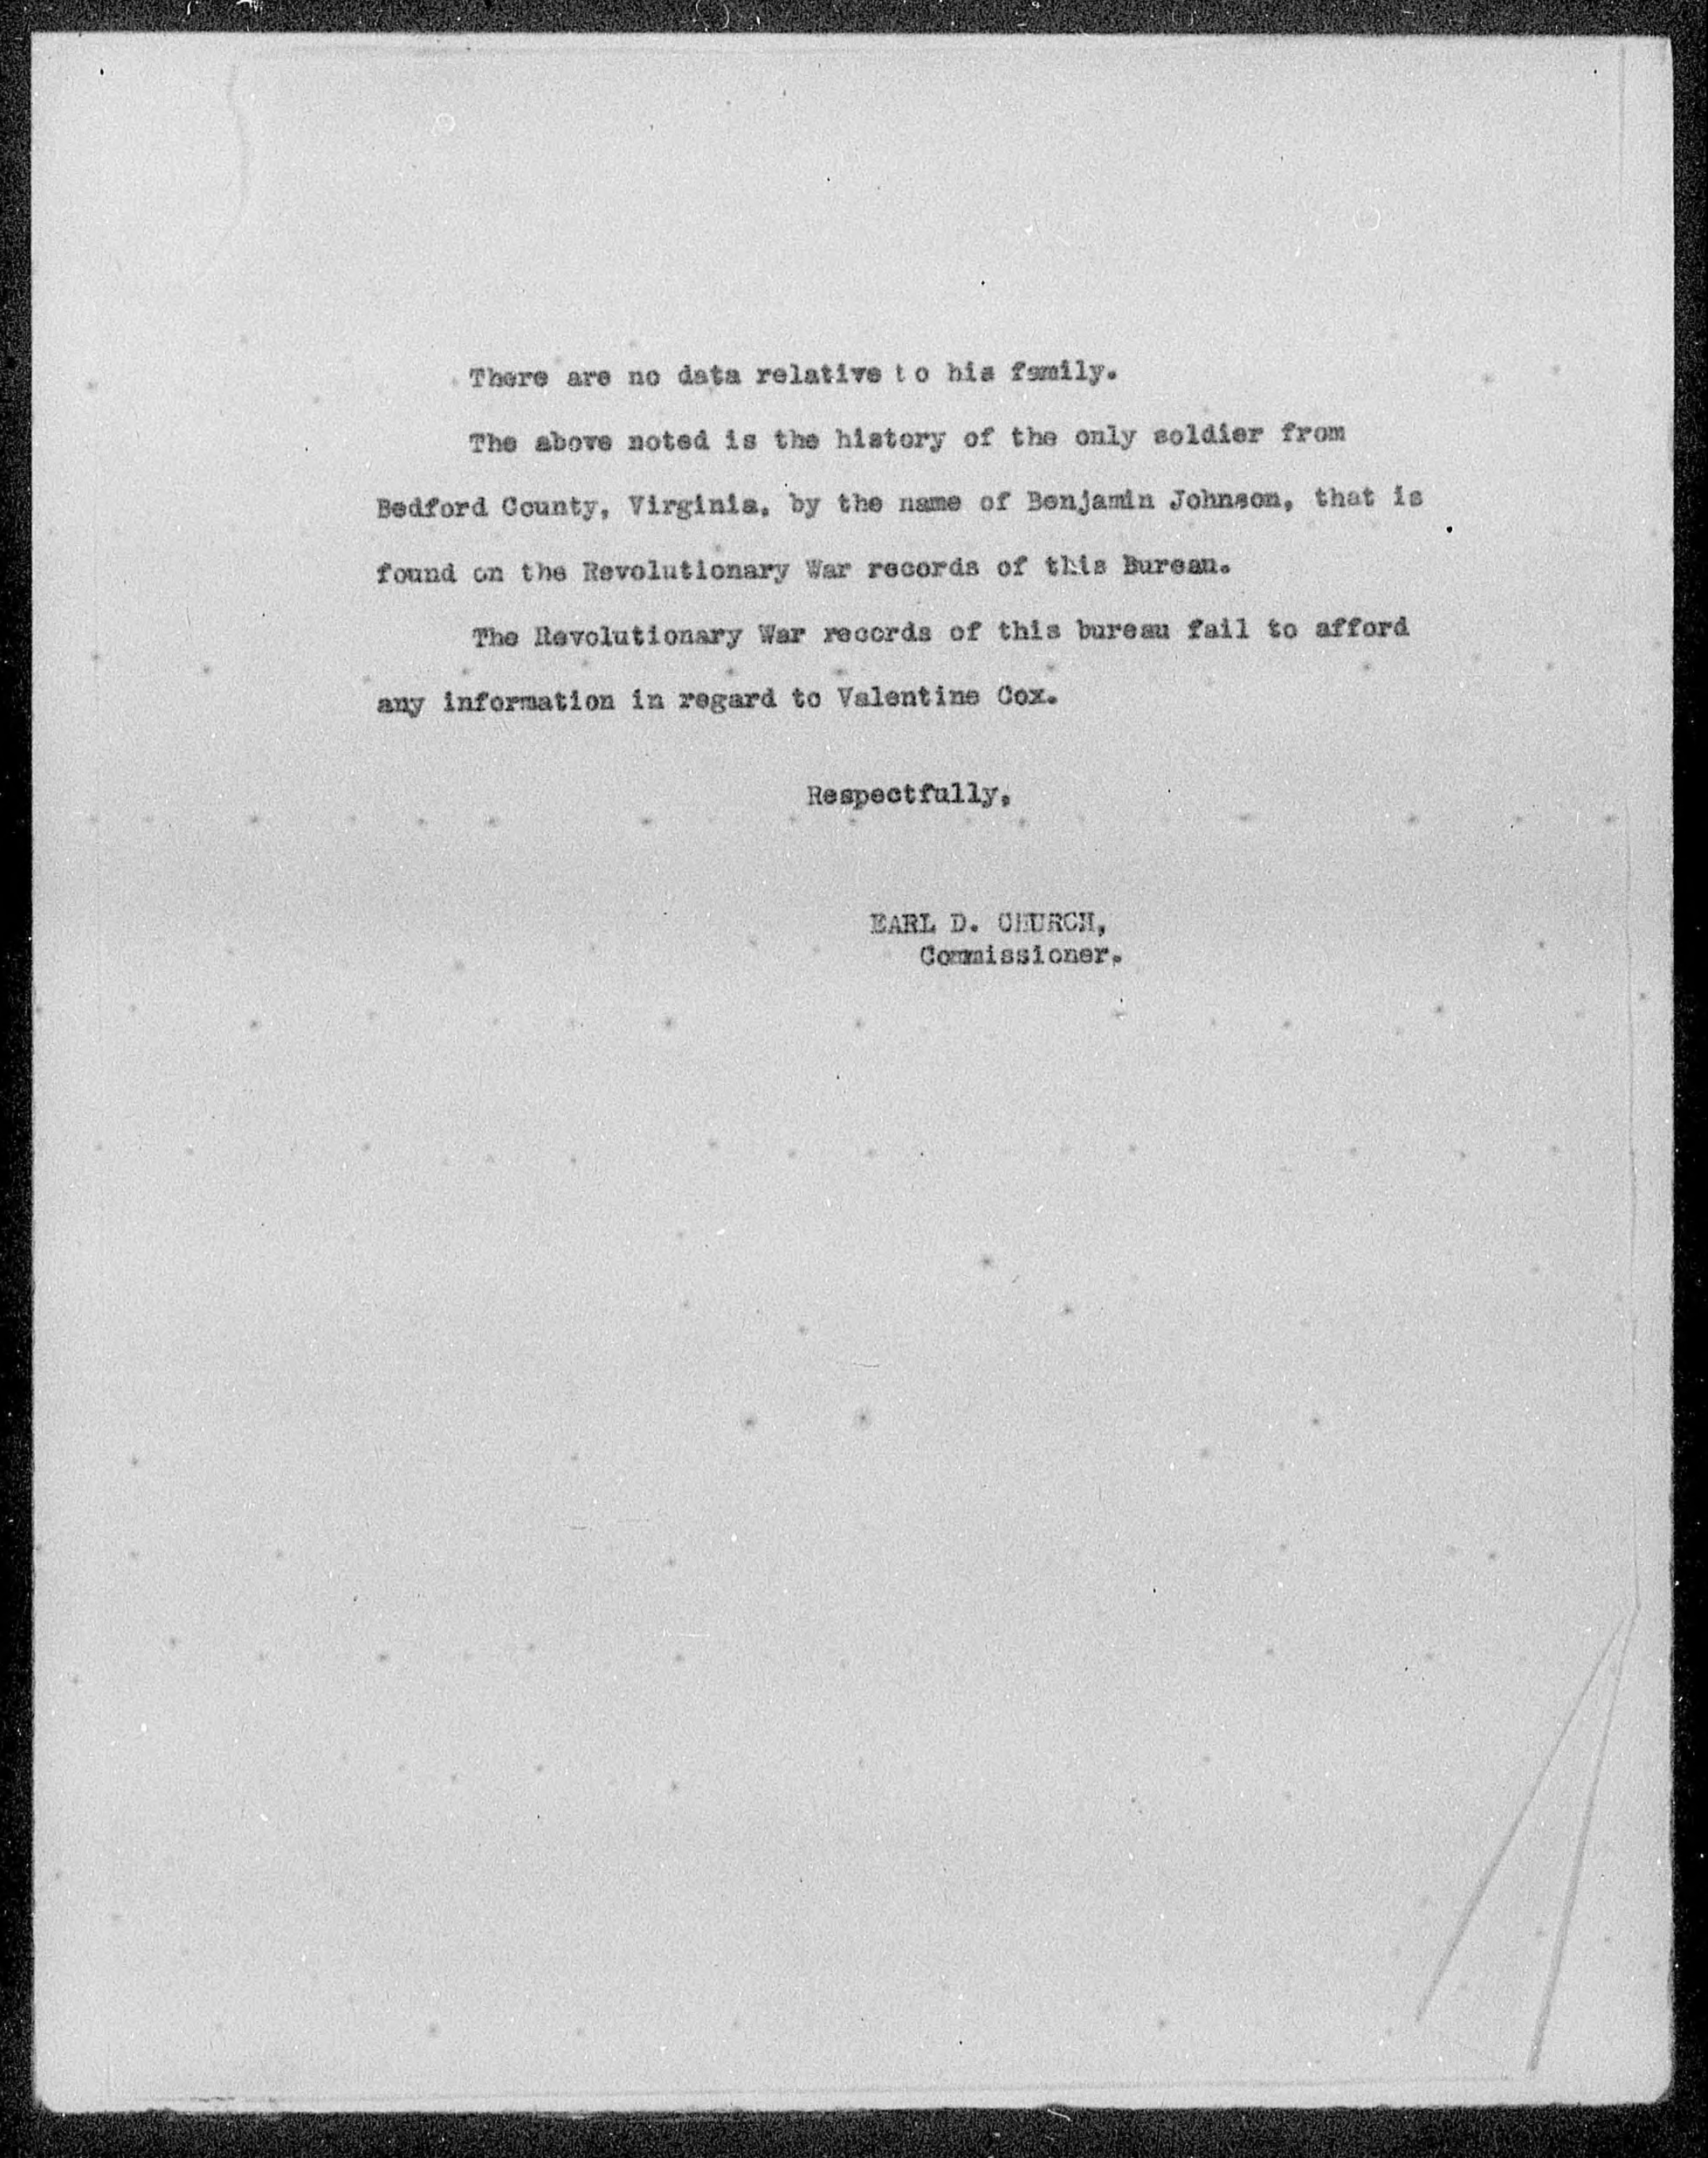There are no data relative to his family. 

The above noted is the history of the only soldier from Bedford County, Virginia, by the name of Benjamin Johnson, that is found on the Revolutionary War records of this Burean. 

The Revolutionary War records of this bureau fail to afford any information in regard to Valentine Cox.  

Respectfully, 
Earl D. Church 
Commissioner.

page: 7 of 17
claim: rejected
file: R. 5674, for Benjamin Johnson, Virginia